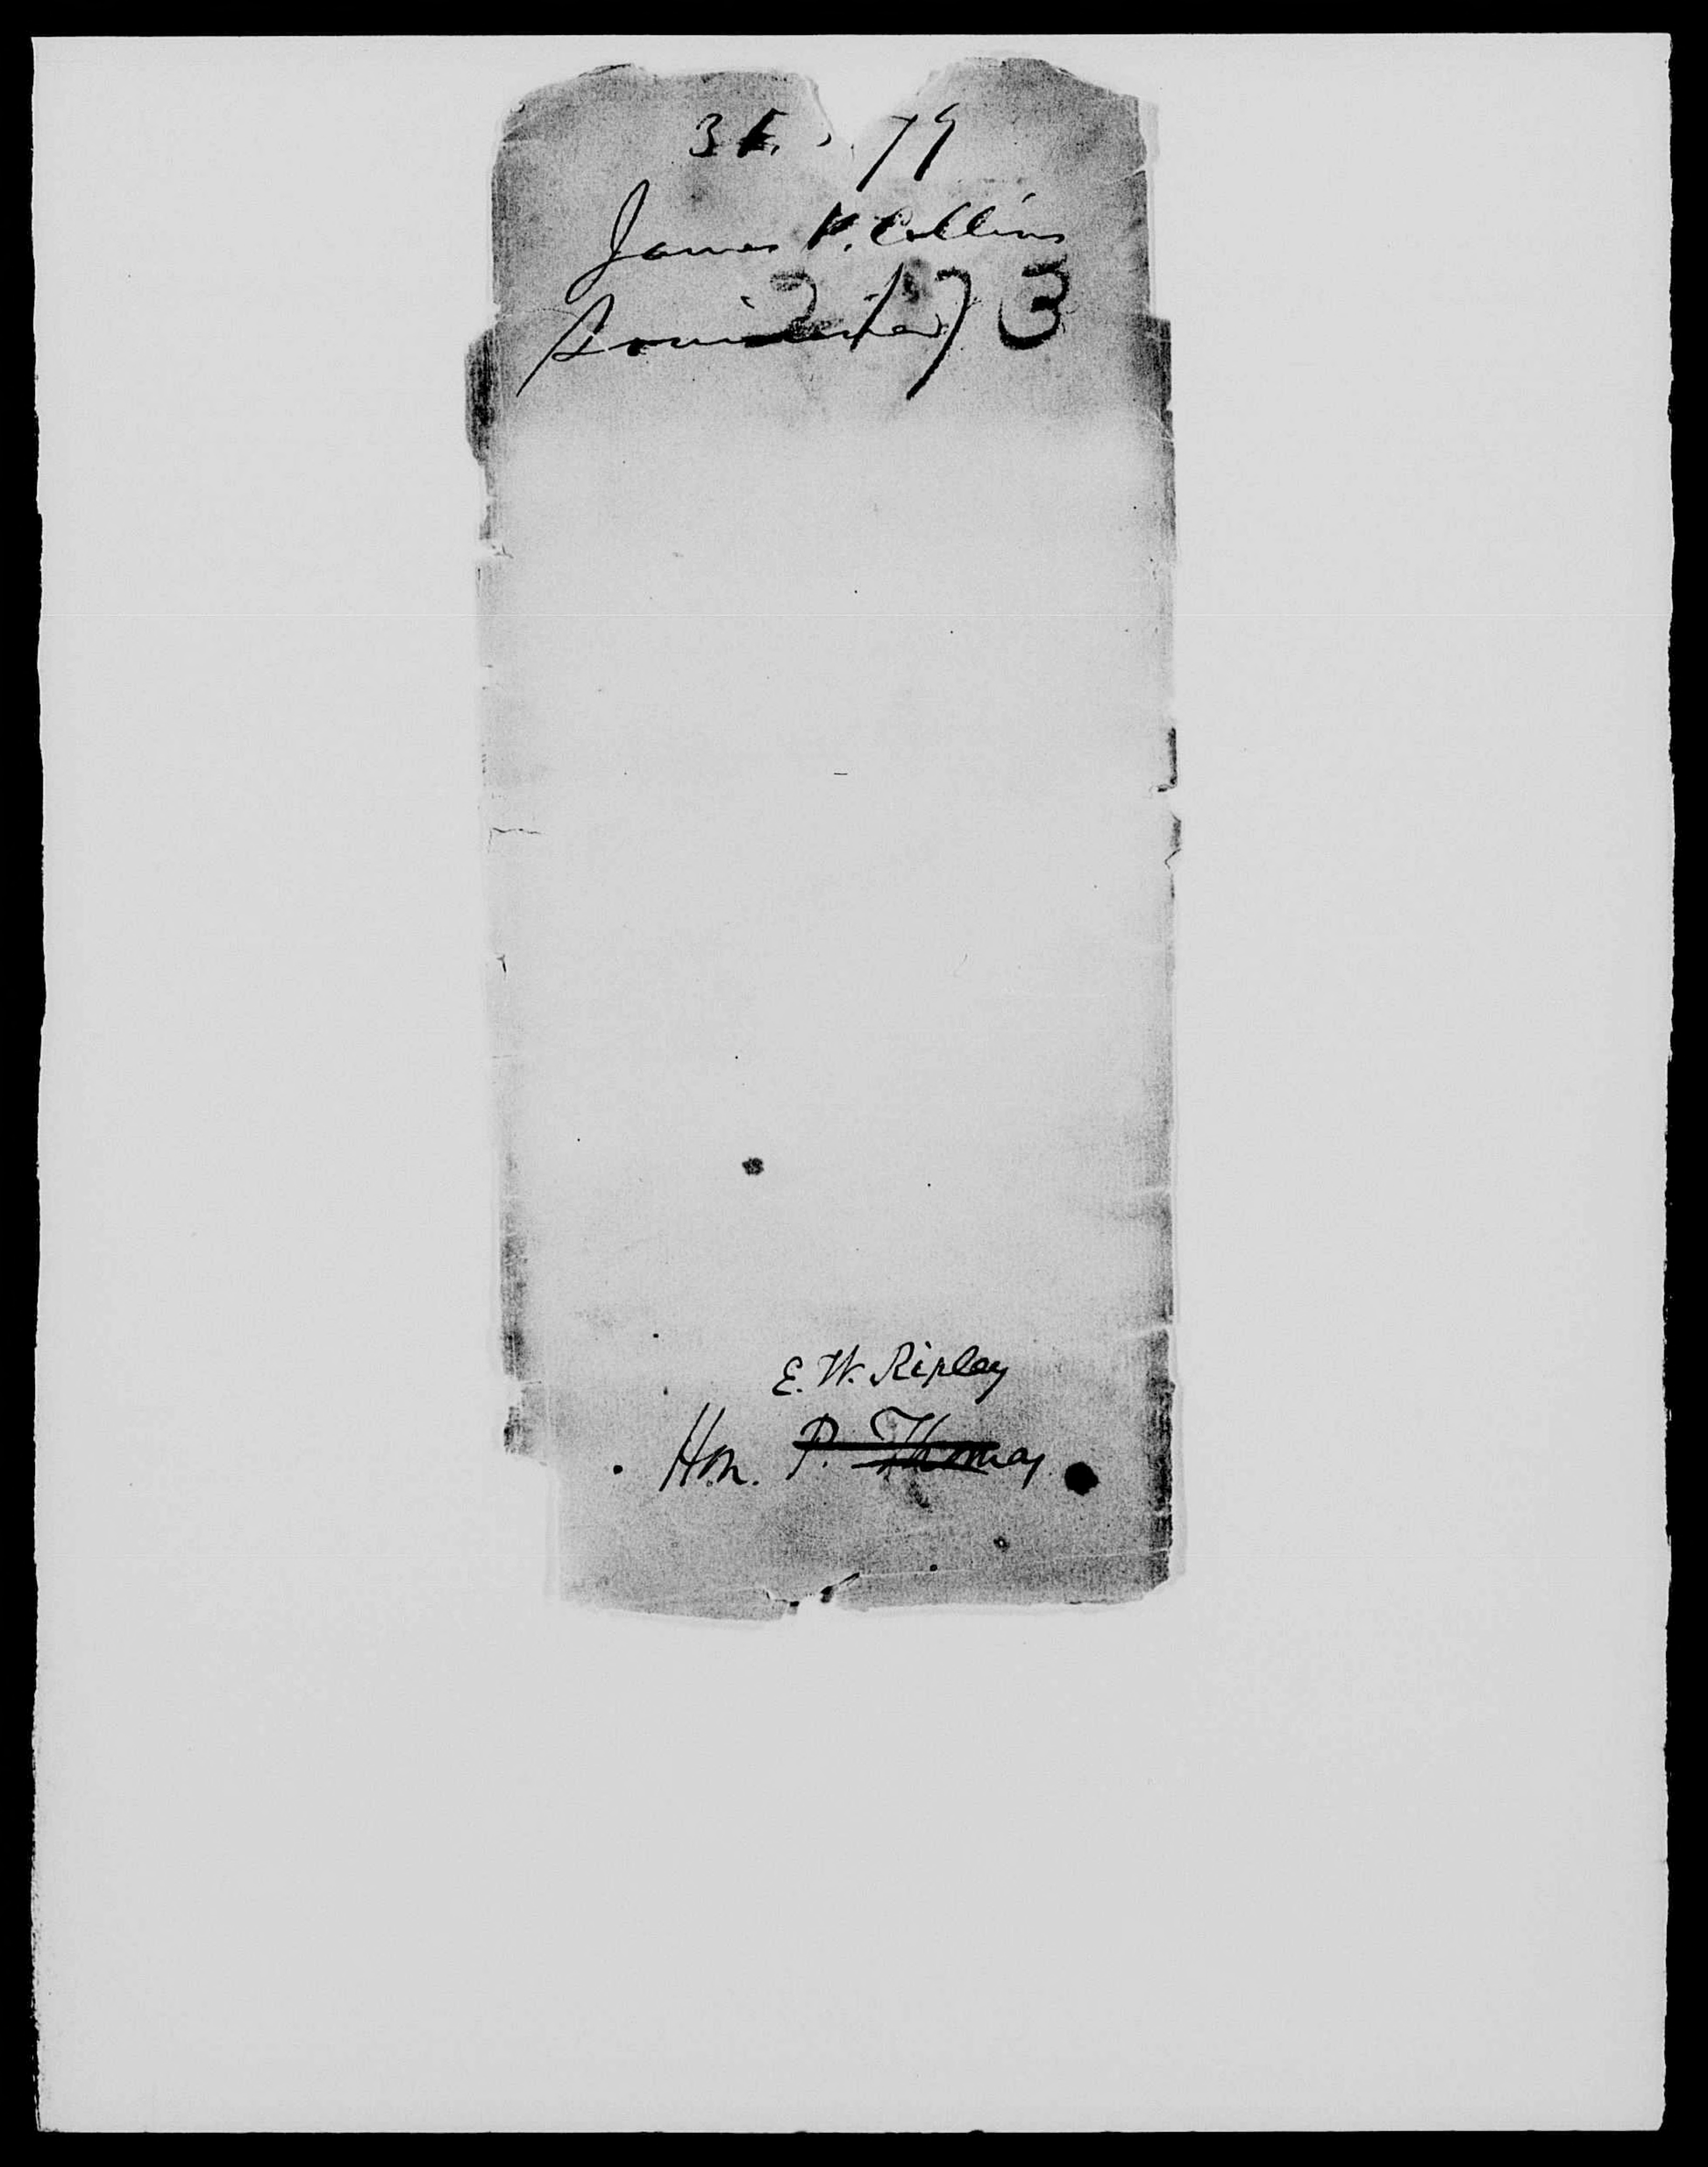31. ? 79
James P Collins
[illegible]
2173

Hon. E W Ripley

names: P Thomas, E W Ripley, James P Collins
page: 37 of 48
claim: rejected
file: R. 2173, James P Collins, S. C.